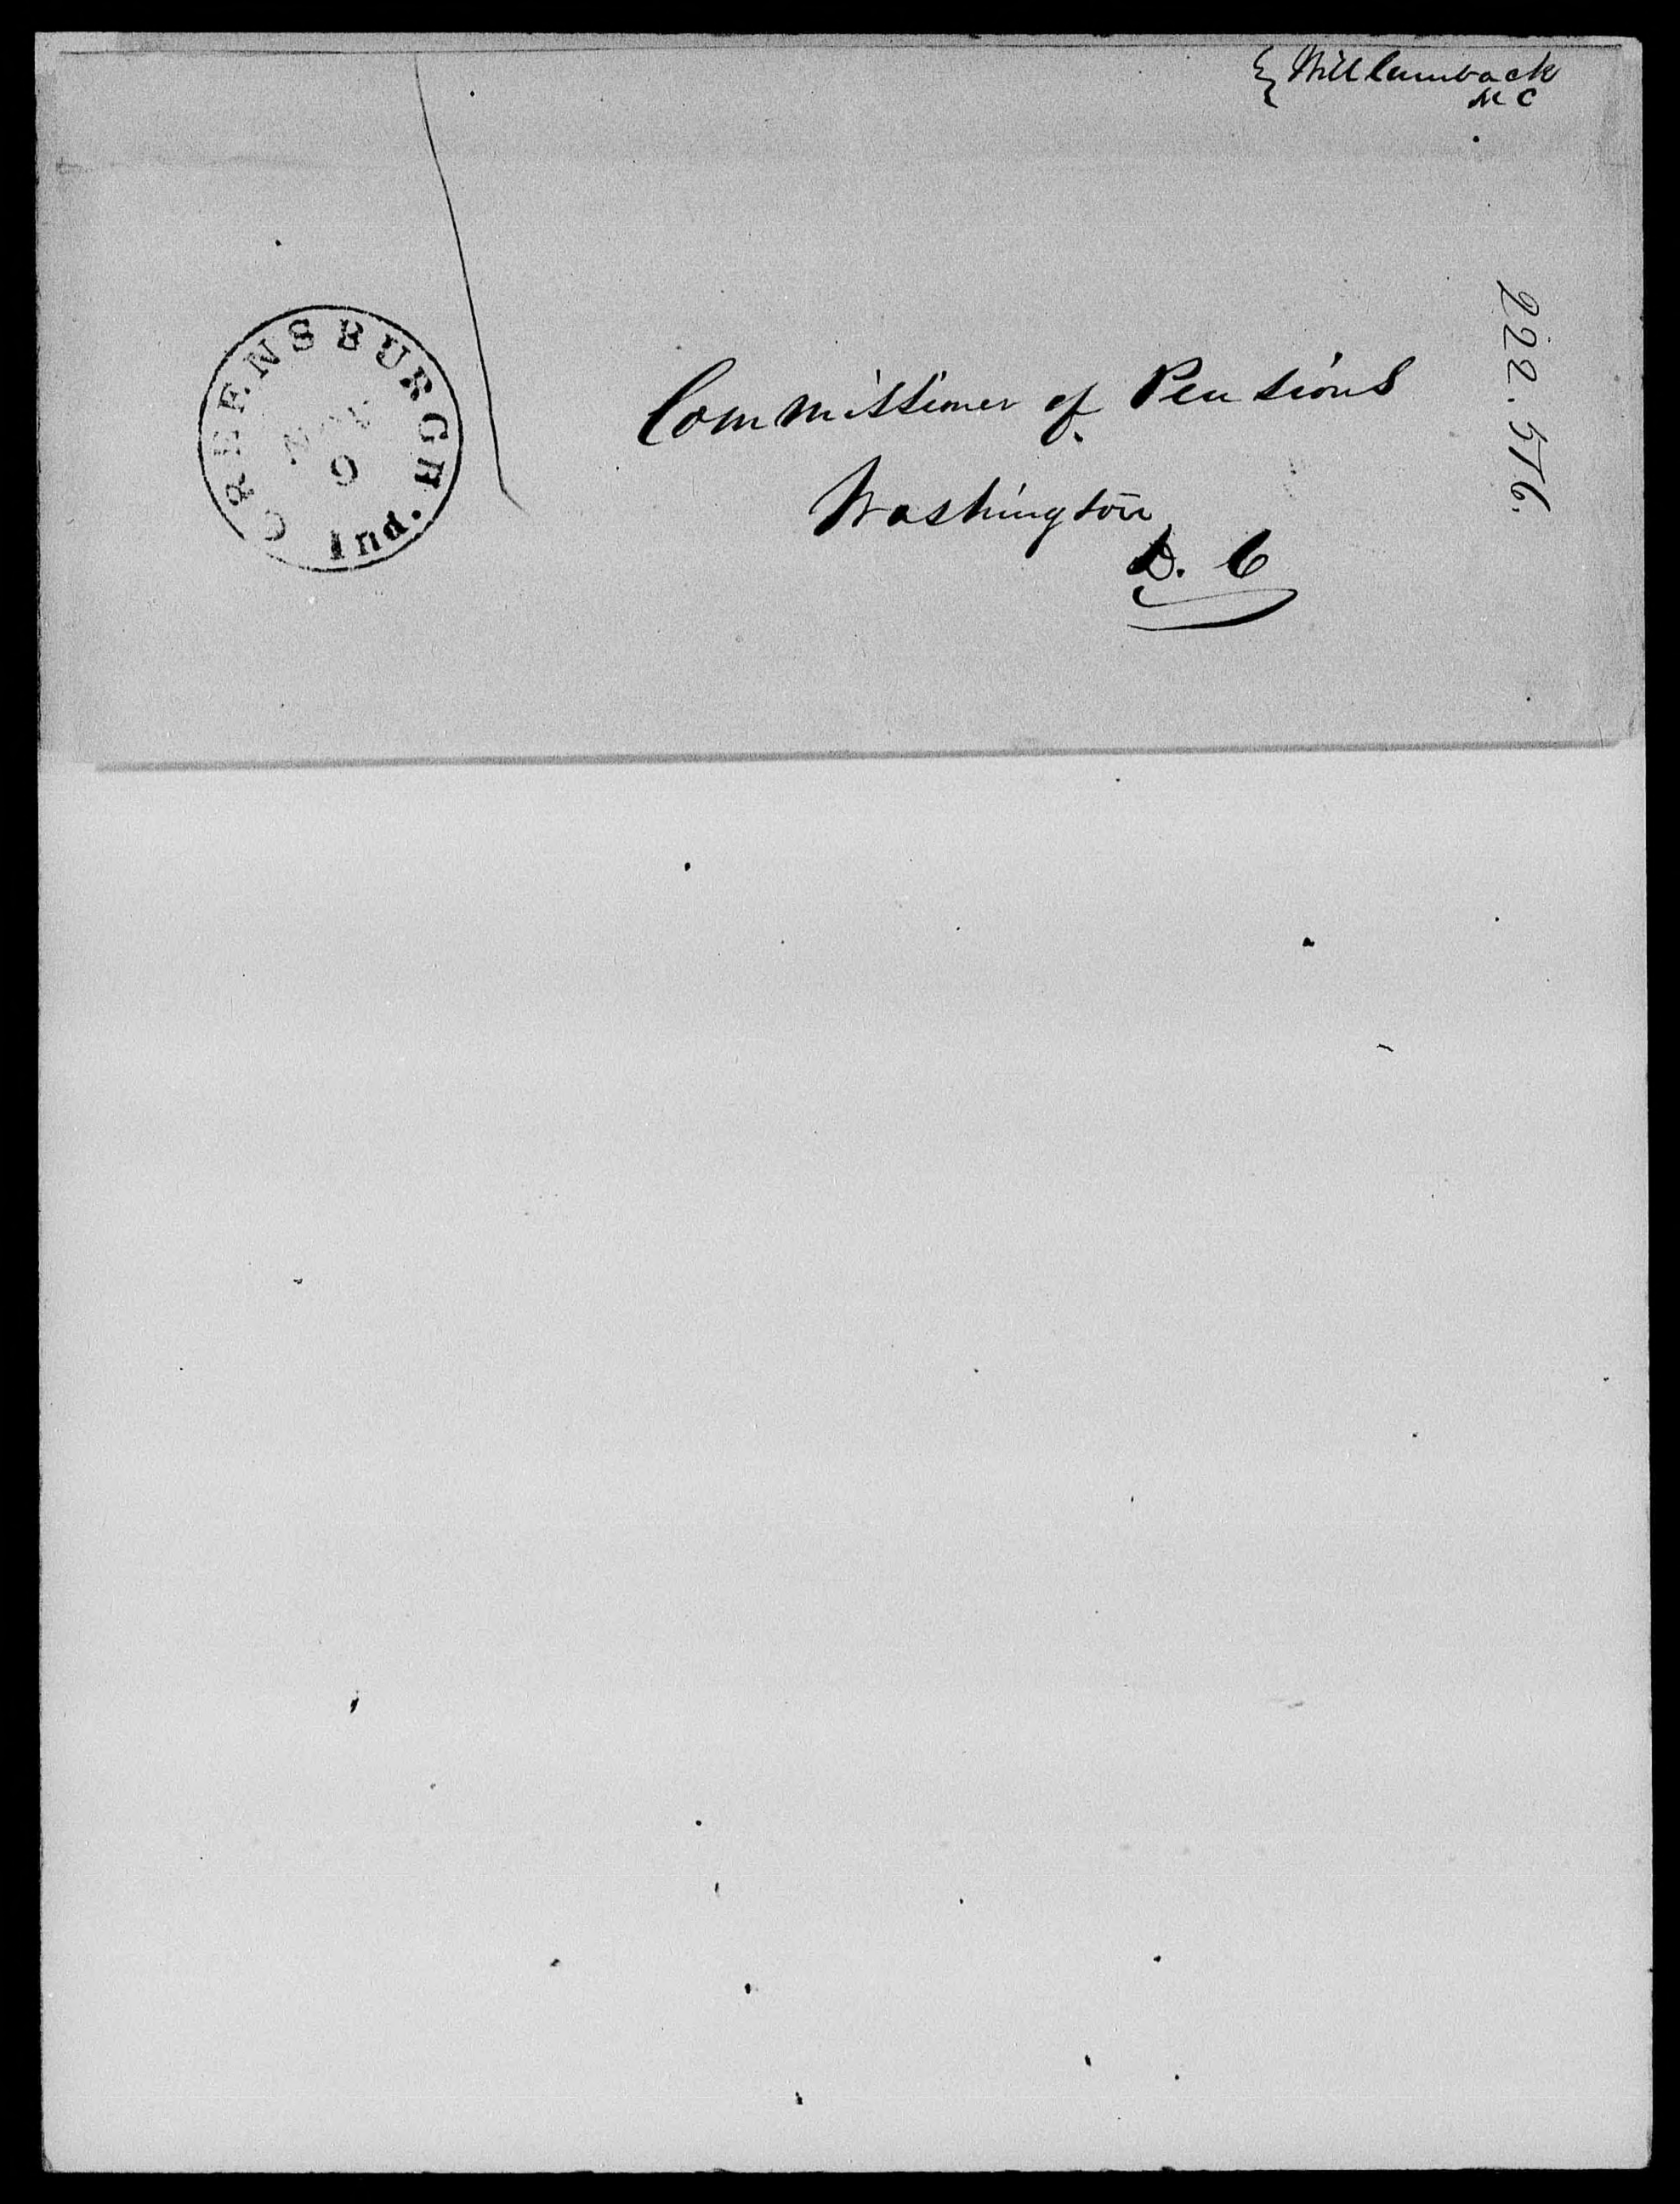[circular stamped ink seal]
GREENSBURGH Ind.
NOV 9

[written]
[top right]
{Will Cumback M C

[bottom]
Commissioner of Pensions
Washington City
D C

[vertical; at right]
222.576.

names: Will Cumback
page: 35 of 39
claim: widow's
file: W. 11060, Benjamin Gosnell, Va.